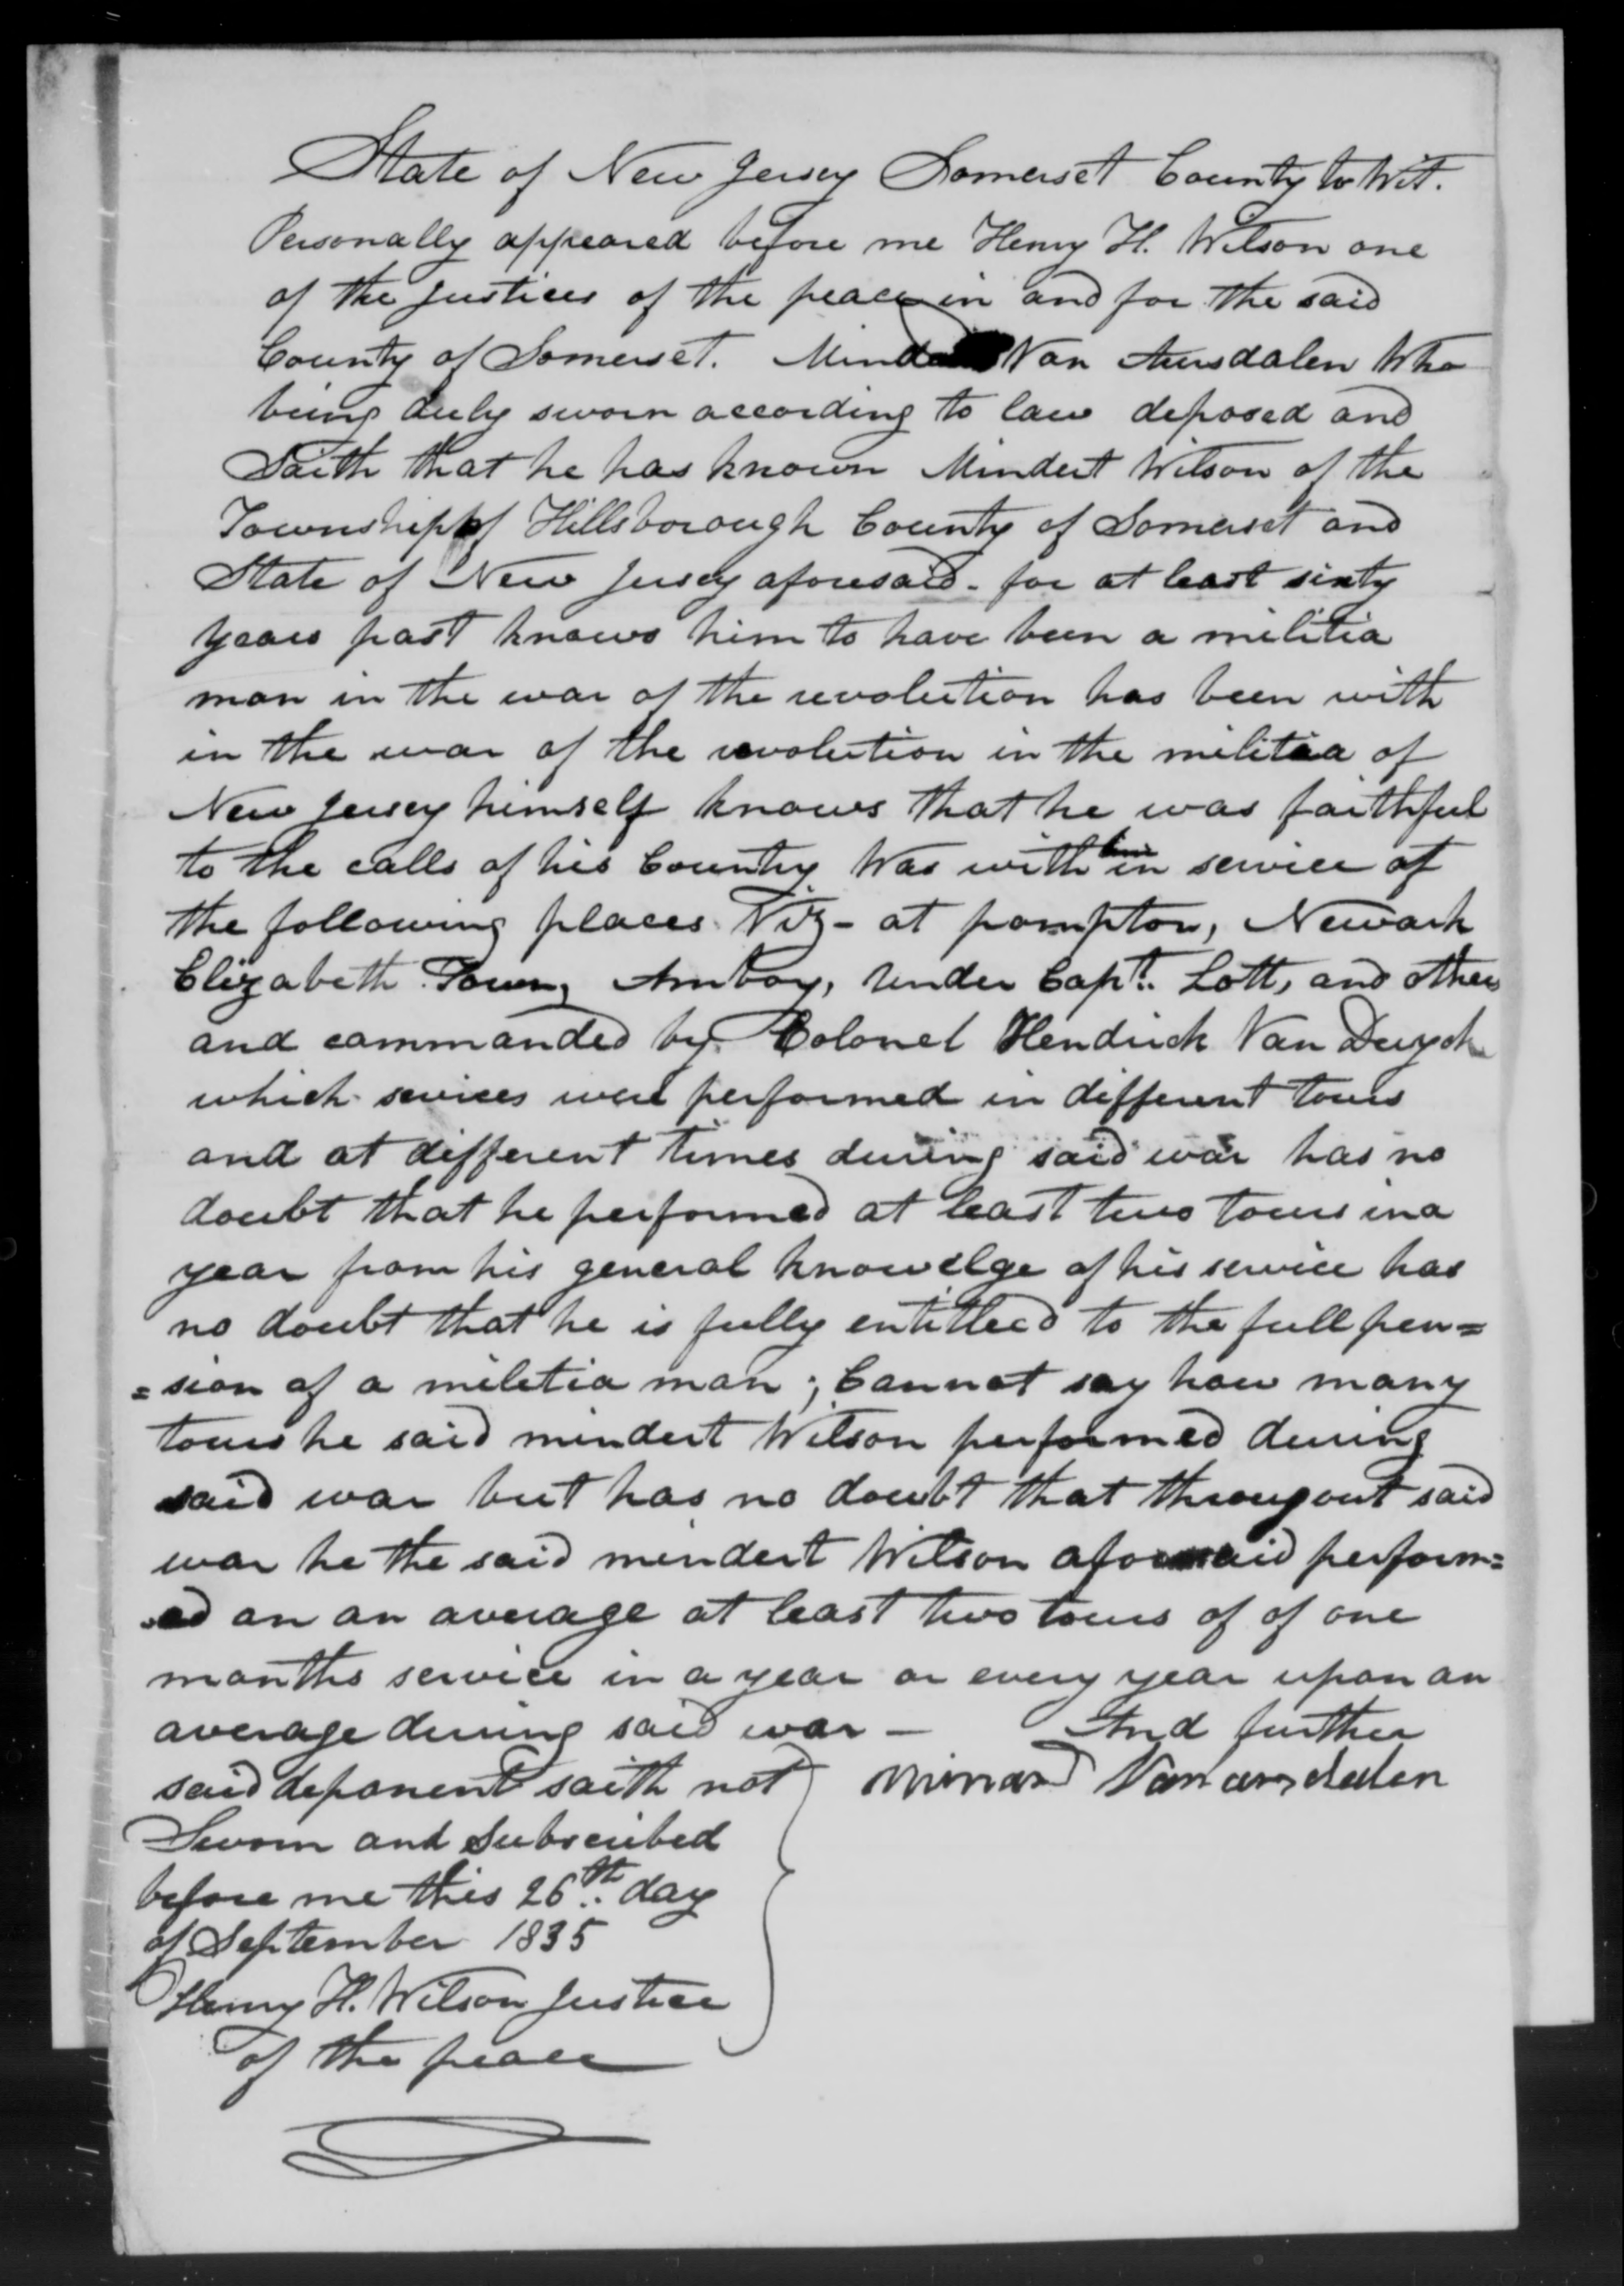State of New Jersey Somerset County to Wit. Personally appeared before me Henry H. Wilson one of the Justices of the peace in and for the said County of Somerset, Mindert Van Arsdalen Who being duly sworn according to law deposed and Saith that he has known Mindert Wilson of the Township of Hillsborough County of Somerset and State of New Jersey aforesaid for at least sixty years past knows him to have been a militia man in the war of the revolution has been with in the war of the revolution in the militia of New Jersey himself knows that he was faithful to the call of his Country was with ^him in service at the following places, Viz. at Pompton, Newark Elizabeth Town, Amboy, under Capt Lott, and others and commanded by Colonel Hendrick Van Duyck which services were performed in different tours and at different times during said war has no doubt that he performed at least two tours in a year from his general knowledge of his service has no doubt that he is fully entitled to the full pension of a militia man; cannot say how many tours he said Mindert Wilson performed during said war but has no doubt that throughout said war he the said Mindert Wilson aforesaid performed on an average at least two tours of of one months service in a year or every year upon an average during said war. And further
said deponent saith not

[signed] Minart Vanarsdalen

Sworn and subscribed before me this 26th day of September 1835
Henry H. Wilson Justice of the peace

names: Lott, Hendrick Van Duyck, Henry H Wilson, Minard Van Arsdalen, Mindert Wilson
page: 26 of 40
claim: survivor's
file: S. 3564, Mindart Wilson, New Jersey